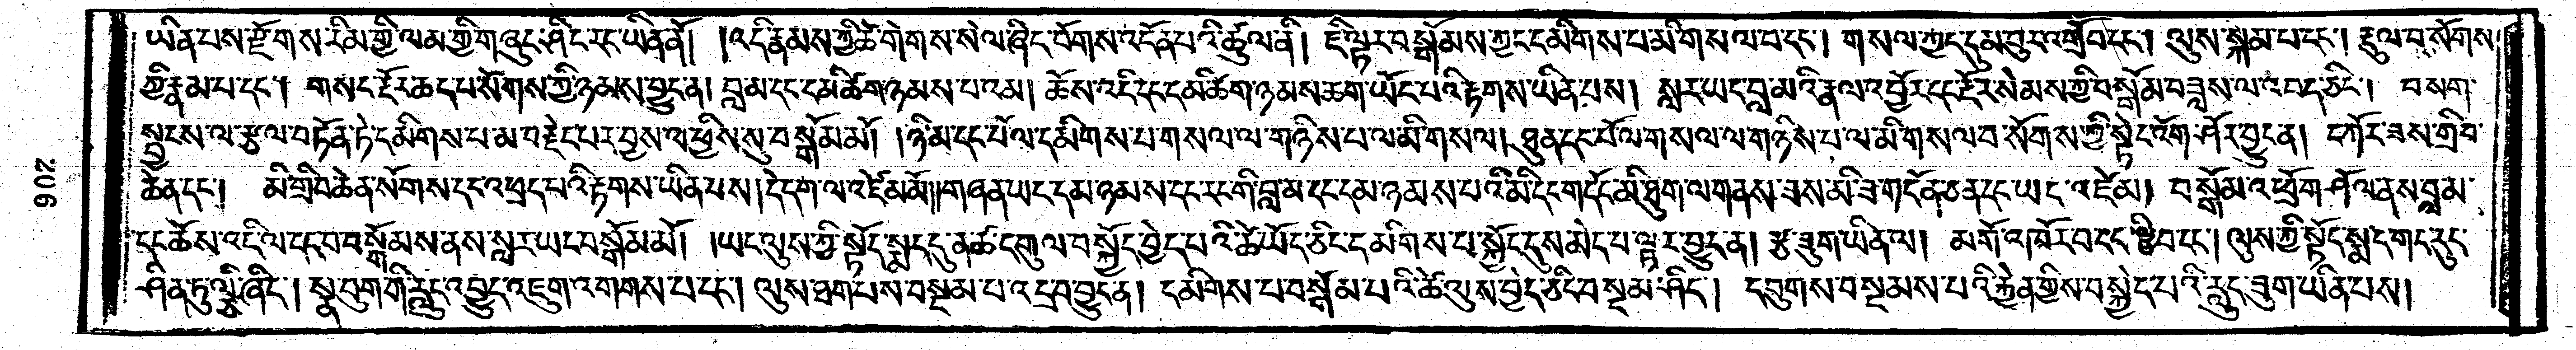ཡིན་པས་རྫོགས་རིམ་གྱི་ལམ་གྱི་གཞུང་ཤིང་རང་ཡིན་ནོ། །འདི་རྣམས་ཀྱི་ཚེ་གེགས་སེལ་ཞིང་བོགས་འདོན་པའི་ཚུལ་ནི། ཇི་ལྟར་བསྒོམས་ཀྱང་དམིགས་པ་མི་གསལ་བ་དང་། གསལ་ཀྱང་དུམ་བུར་འགྲོ་བ་དང་། ལུས་སྐམ་པ་དང་། རྡུལ་བ་སོགས་
ཀྱི་རྣམ་པ་དང་། གསང་རྡོར་ཆད་པ་སོགས་ཀྱི་ཉམས་བྱུང་ན། བླ་མ་དང་དམ་ཚིག་ཉམས་པ་འམ། ཆོས་འདི་དང་དམ་ཚིག་ཉམས་ཆག་ཡོང་པའི་རྟགས་ཡིན་པས། སླར་ཡང་བླ་མའི་རྣལ་འབྱོར་དང་རྡོར་སེམས་ཀྱི་བསྒོམ་བཟླས་ལ་འབད་ཅིང་། བསག་
སྦྱངས་ལ་རྩལ་བཏོན་ཏེ་དམིགས་པ་མ་བརྗེད་པར་བྱས་ལ་ཕྱིས་སུ་བསྒོམ་མོ། །ཉི་མ་དང་པོ་ལ་དམིགས་པ་གསལ་ལ་གཉིས་པ་ལ་མི་གསལ། ཐུན་དང་པོ་ལ་གསལ་ལ་གཉིས་པ་ལ་མི་གསལ་བ་སོགས་ཀྱི་སྟེང་འོག་ཤོར་བྱུང་ན། དཀོར་ཟས་གྲིབ་
ཆེན་དང་། མི་གྲིབ་ཆེན་སོགས་དང་འཕྲད་པའི་རྟགས་ཡིན་པས། དེ་དག་ལ་འཛེམ་མོ། །གཞན་ཡང་དམ་ཉམས་དང་རང་གི་བླ་མ་དང་དམ་ཉམས་པའི་མི་དང་གདོང་མི་ཐུག་ལག་ནས་ཟས་མི་ཟ་གདོན་ཅན་དང་ཡང་འཛེམ། བསྒོམ་འཕྲོ་གཤོལ་ནས་བླ་མ་
དང་ཆོས་འདི་ལ་དང་བ་བསྒོམས་ནས་སླར་ཡང་བསྒོམ་མོ། །ཡང་ལུས་ཀྱི་སྟོད་སྨད་དུ་ན་ཚ་དགུལ་བསྐྱོད་བྱེད་པའི་ཚེ་ཡོད་ཅིང་དམིགས་པ་སྐྱོང་དུས་མེད་པ་ལྟར་བྱུང་ན། རྩ་ཟུག་ཡིན་ལ། མགོ་འཁོར་བ་དང་ལྕི?་བ་དང་། ལུས་ཀྱི་སྟོད་སྨད་གང་རུང་
ཤིན་ཏུ་ལྕི་ཞིང་། སྣ་བུག་གི་རླུང་འབྱུང་འཇུག་འགགས་པ་དང་། ལུས་ཐག་པས་བསྔམ་པ་འདྲ་བ་བྱུང་ན། དམིགས་པ་བསྒོམ་པའི་ཚེ་ལུས་བྱེད་ཅིང་བསྡམ་ཤིང་། དབུགས་བསྔམས་པའི་རྐྱེན་གྱིས་བསྐྱེད་པའི་རླུང་ཟུག་ཡིན་པས།